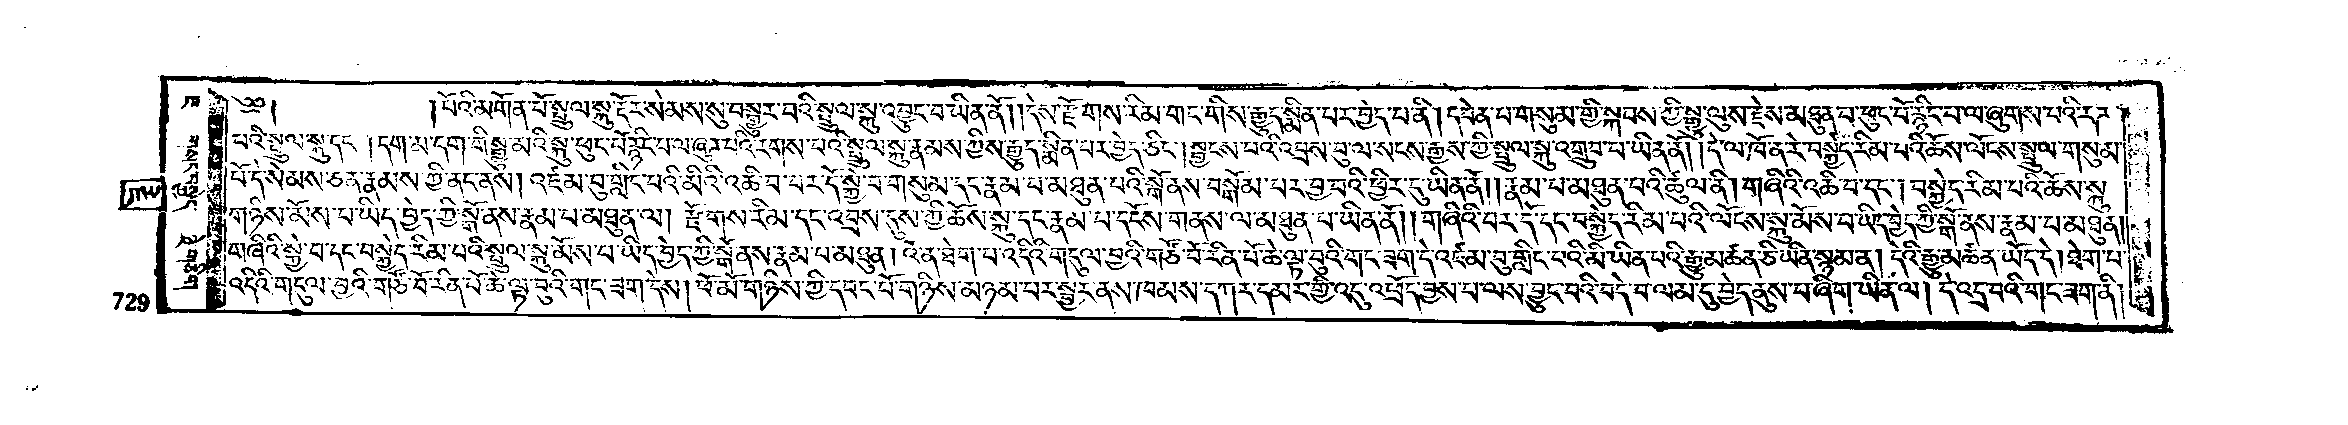༄༅། །པོའི་མགོན་པོ་སྤྲུལ་སྐུ་རྡོར་སེམས་སུ་བསྒྱུར་བའི་སྤྲུལ་སྐུ་འབྱུང་བ་ཡིན་ནོ། །དེས་རྫོགས་རིམ་གང་གིས་རྒྱུད་སྨིན་པར་བྱེད་པ་ནི། དབེན་པ་གསུམ་གྱི་སྐབས་ཀྱི་སྒྱུ་ལུས་རྗེས་མཐུན་པ་ཕུང་པོ་རྙིང་པ་ལ་ཞུགས་པའི་རགས་
པའི་སྤྲུལ་སྐུ་དང་། དག་མ་དག་གི་སྒྱུ་མའི་སྐུ་ཕུང་པོ་རྙིང་པ་ལ་ཞུགས་པའི་རགས་པའི་སྤྲུལ་སྐུ་རྣམས་ཀྱིས་རྒྱུད་སྨིན་པར་བྱེད་ཅིང་། སྦྱངས་པའི་འབྲས་བུ་ལ་སངས་རྒྱས་ཀྱི་སྤྲུལ་སྐུ་འགྲུབ་པ་ཡིན་ནོ། །དེ་ལ་ཁོ་ན་རེ་བསྐྱེད་རིམ་པའི་ཆོས་ལོངས་སྤྲུལ་གསུམ་
པོ་དེ་སེམས་ཅན་རྣམས་ཀྱི་ནང་ནས། འཛམ་བུ་གླིང་པའི་མིའི་འཆི་བ་བར་དོ་སྐྱེ་བ་གསུམ་དང་རྣམ་པ་མཐུན་པའི་སྒོ་ནས་བསྒོམ་པར་བྱ་བའི་ཕྱིར་དུ་ཡིན་ནོ། །རྣམ་པ་མཐུན་པའི་ཚུལ་ནི། གཞིའི་འཆི་བ་དང་། བསྐྱེད་རིམ་པའི་ཆོས་སྐུ་
གཉིས་མོས་པ་ཡིད་བྱེད་ཀྱི་སྒོ་ནས་རྣམ་པ་མཐུན་ལ། རྫོགས་རིམ་དང་འབྲས་དུས་ཀྱི་ཆོས་སྐུ་དང་རྣམ་པ་དངོས་གནས་ལ་མཐུན་པ་ཡིན་ནོ། །གཞིའི་བར་དོ་དང་བསྐྱེད་རིམ་པའི་ལོངས་སྐུ་མོས་པ་ཡིད་བྱེད་ཀྱི་སྒོ་ནས་རྣམ་པ་མཐུན།
གཞིའི་སྐྱེ་བ་དང་བསྐྱེད་རིམ་པའི་སྤྲུལ་སྐུ་མོས་པ་ཡིད་བྱེད་ཀྱི་སྒོ་ནས་རྣམ་པ་མཐུན། འོ་ན་ཐེག་པ་འདིའི་གདུལ་བྱའི་གཙོ་བོ་རིན་པོ་ཆེ་ལྟ་བུའི་གང་ཟག་དེ་འཛམ་བུ་གླིང་པའི་མི་ཡིན་པའི་རྒྱུ་མཚན་ཅི་ཡིན་སྙམ་ན། དེའི་རྒྱུ་མཚན་ཡོད་དེ། ཐེག་པ་
འདིའི་གདུལ་བྱའི་གཙོ་བོ་རིན་པོ་ཆེ་ལྟ་བུའི་གང་ཟག་དེས། ཕོ་མོ་གཉིས་ཀྱི་དབང་པོ་གཉིས་མཉམ་པར་སྦྱར་ནས་ཁམས་དཀར་དམར་གྱི་འདུ་འཕྲོད་བྱས་པ་ལས་བྱུང་བའི་བདེ་བ་ལམ་དུ་བྱེད་ནུས་པ་ཞིག་ཡིན་ལ། དེ་འདྲ་བའི་གང་ཟག་ནི།